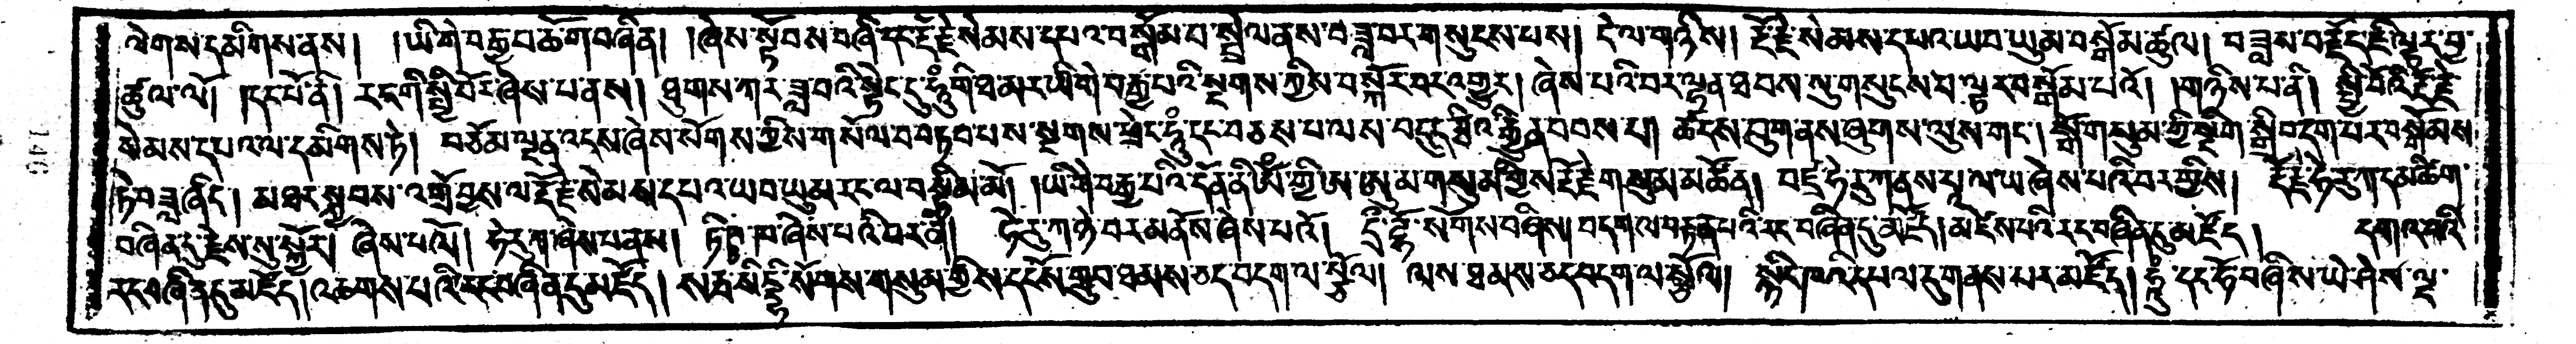ལེགས་དམིགས་ནས། །ཡི་གེ་བརྒྱ་པ་ཆོ་ག་བཞིན། །ཞེས་སྟོབས་བཞི་དང་རྡོ་རྗེ་སེམས་དཔའ་བསྒོམ་པ་སྦྲེལ་ནས་བཟླ་བར་གསུངས་པས། དེ་ལ་གཉིས། རྡོ་རྗེ་སེམས་དཔའ་ཡབ་ཡུམ་བསྒོམ་ཚུལ། བཟླས་བརྗོད་ཇི་ལྟར་བྱ་
ཚུལ་ལོ། །དང་པོ་ནི། རང་གི་སྤྱི་བོར་ཞེས་པ་ནས། ཐུགས་ཀར་ཟླ་བའི་སྟེང་དུ་ཧཱུཾ་གི་ཐ་མར་ཡི་གེ་བརྒྱ་པའི་སྔགས་ཀྱིས་བསྐོར་བར་འགྱུར། ཞེས་པའི་བར་ལྷན་ཐབས་སུ་གསུངས་པ་ལྟར་བསྒོམ་པའོ། །གཉིས་པ་ནི། སྤྱི་བོའི་རྡོ་རྗེ་
སེམས་དཔའ་ལ་དམིགས་ཏེ། བཅོམ་ལྡན་འདས་ཞེས་སོགས་ཀྱིས་གསོལ་བ་བཏབ་པས་སྔགས་ཕྲེང་ཧཱུཾ་དང་བཅས་པ་ལས་བདུད་རྩིའི་རྒྱུན་བབས་པ། ཚངས་བུག་ནས་ཞུགས་ལུས་གང་། སྒོ་གསུམ་གྱི་སྡིག་སྒྲིབ་དག་པར་བསྒོམས་
ཏེ་བཟླ་ཞིང་། མཐར་སྐྱབས་འགྲོ་བྱས་ལ་རྡོ་རྗེ་སེམས་དཔའ་ཡབ་ཡུམ་རང་ལ་བསྟིམ་མོ། །ཡི་གེ་བརྒྱ་པའི་དོན་ནི་ཨོཾ་གྱི་ཨ་ཨུ་མ་གསུམ་གྱིས་རྡོ་རྗེ་གསུམ་མཚོན། བཛྲ་ཧེ་རུ་ཀ་ནས་པཱ་ལ་ཡ་ཞེས་པའི་བར་གྱིས། རྡོ་རྗེ་ཧེ་རུ་ཀ་དམ་ཚིག་
བཞིན་དུ་རྗེས་སུ་སྐྱོར། ཞེས་པའོ། ཧེ་རུ་ཀ་ཞེས་པ་ནས། ཏི་ཥཊཿཨ་ཁ་ཞེས་པའི་བར་ནི། ཧེ་རུ་ཀ་ཉེ་བར་མནོས་ཞེས་པའོ། །དྲྀ་ཌྷོ་སོགས་བཞིས། བདག་ལ་བརྟན་པའི་རང་བཞིན་དུ་མཛོད། མཛེས་པའི་རང་བཞིན་དུ་མཛོད། དགའ་བའི་
རང་བཞིན་དུ་མཛོད། འཆགས་པའི་རང་བཞིན་དུ་མཛོད། སརྦ་སིདྡྷི་སོགས་གསུམ་གྱིས་དངོས་གྲུབ་ཐམས་ཅད་བདག་ལ་སྩོལ། ལས་ཐམས་ཅད་བདག་ལ་སྩོལ། སྙིང་ཁའི་དཔལ་དུ་གནས་པར་མཛོད། ཧཱུཾ་དང་ཧོ་བཞིས་ཡེ་ཤེས་ལྔ་